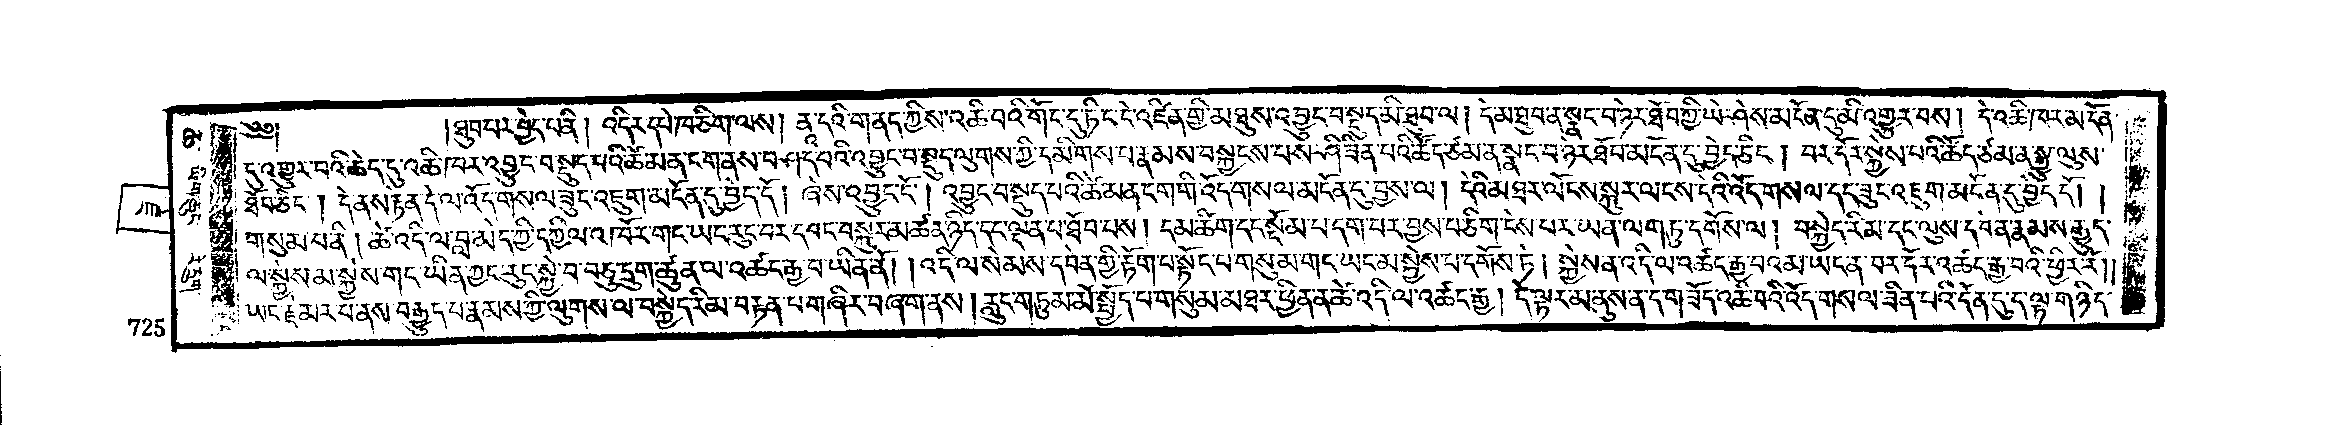༄༅། །ཐུབ་པར་བྱེད་པ་ནི། འདིར་དཔེ་ཁ་ཅིག་ལས། ནཱ་དའི་གནད་ཀྱིས་འཆི་བའི་གོང་དུ་ཏིང་ངེ་འཛིན་གྱི་མཐུས་འབྱུང་བ་སྡུད་མི་ཐུབ་ལ། དེ་མ་ཐུབ་ན་སྣང་བ་ཉེར་ཐོབ་ཀྱི་ཡེ་ཤེས་མངོན་དུ་མི་འགྱུར་བས། དེ་འཆི་ཁར་མངོན་
དུ་འགྱུར་བའི་ཆེད་དུ་འཆི་ཁར་འབྱུང་བ་སྡུད་པའི་ཚེ་མན་ངག་ནས་བཤད་པའི་འབྱུང་བ་སྡུད་ལུགས་ཀྱི་དམིགས་པ་རྣམས་བསྐྱངས་པས་ཤི་ཟིན་པའི་ཚོད་ཙམ་ན་སྣང་བ་ཉེར་ཐོབ་མངོན་དུ་བྱེད་ཅིང་། བར་དོར་སྐྱེས་པའི་ཚོད་ཙམ་ན་སྒྱུ་ལུས་
ཐོབ་ཅིང་། དེ་ནས་རྟེན་དེ་ལ་འོད་གསལ་ཟུང་འཇུག་མངོན་དུ་བྱེད་དོ། །ཞེས་འབྱུང་ངོ། འབྱུང་བ་སྡུད་པའི་ཚེ་མན་ངག་གི་འོད་གསལ་མངོན་དུ་བྱས་ལ། དེའི་མཐར་ལོངས་སྐུར་ལངས་དེའི་འོད་གསལ་དང་ཟུང་འཇུག་མངོན་དུ་བྱེད་དོ། །
གསུམ་པ་ནི། ཚེ་འདི་ལ་བླ་མེད་ཀྱི་དཀྱིལ་འཁོར་གང་ཡང་རུང་བར་དབང་བསྐུར་མཚན་ཉིད་དང་ལྡན་པ་ཐོབ་པས། དམ་ཚིག་དང་སྡོམ་པ་དག་པར་བྱས་པ་ཅིག་ངེས་པར་ཡན་ལག་ཏུ་དགོས་ལ། བསྐྱེད་རིམ་དང་ལུས་དབེན་རྣམས་རྒྱུད་
ལ་སྐྱེས་མ་སྐྱེས་གང་ཡིན་ཀྱང་རུང་སྐྱེ་བ་བཅུ་དྲུག་ཚུན་ལ་འཚང་རྒྱ་བ་ཡིན་ནོ། །འདི་ལ་སེམས་དབེན་གྱི་རྟོག་པ་སྟོང་པ་གསུམ་གང་ཡང་མ་སྐྱེས་པ་དགོས་ཏེ། སྐྱེས་ན་འདི་ལ་འཚང་རྒྱ་བའམ་ཡང་ན་བར་དོར་འཚང་རྒྱ་བའི་ཕྱིར་རོ། །
ཡང་རྗེ་མར་པ་ནས་བརྒྱུད་པ་རྣམས་ཀྱི་ལུགས་ལ་བསྐྱེད་རིམ་བརྟན་པ་གཞིར་བཞག་ནས། རླུང་གཏུམ་མོ་སྤྱོད་པ་གསུམ་མཐར་ཕྱིན་ན་ཚེ་འདི་ལ་འཚང་རྒྱ། དེ་ལྟར་མ་ནུས་ན་ད་གཟོད་འཆི་བའི་འོད་གསལ་ཟིན་པའི་དོན་དུ་ད་ལྟ་གཉིད་